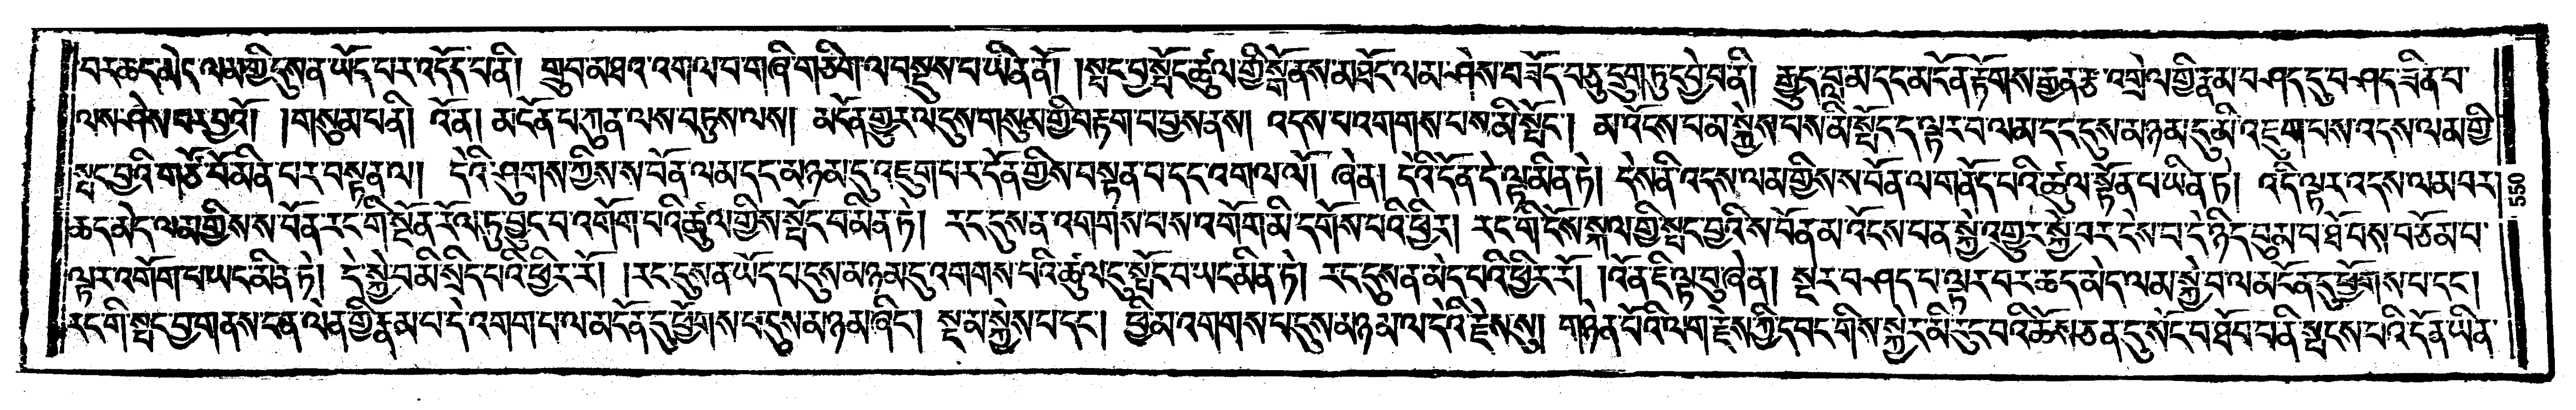བར་ཆད་མེད་ལམ་གྱི་དུས་ན་ཡོད་པར་འདོད་པ་ནི། གྲུབ་མཐའ་འགལ་བ་གཞི་གཅིག་ལ་བསྡུས་པ་ཡིན་ནོ། །སྤང་བྱ་སྤོང་ཚུལ་གྱི་སྒོ་ནས་མཐོང་ལམ་ཤེས་བཟོད་བཅུ་དྲུག་ཏུ་དབྱེ་བ་ནི། རྒྱུད་བླ་མ་དང་མངོན་རྟོགས་རྒྱན་རྩ་འགྲེལ་གྱི་རྣམ་བཤད་དུ་བཤད་ཟིན་པ་
ལས་ཤེས་པར་བྱའོ། །གསུམ་པ་ནི། འོ་ན། མངོན་པ་ཀུན་ལས་བཏུས་ལས། མངོན་གྱུར་ལ་དུས་གསུམ་གྱི་བརྟག་པ་བྱས་ནས། འདས་པ་འགགས་པས་མི་སྤོང་། མ་འོངས་པ་མ་སྐྱེས་པས་མི་སྤོང་ད་ལྟར་བ་ལམ་དང་དུས་མཉམ་དུ་མི་འཇུག་པས་འདས་ལམ་གྱི་
སྤང་བྱའི་གཙོ་བོ་མིན་པར་བསྟན་ལ། དེའི་ཤུགས་ཀྱིས་ས་བོན་ལམ་དང་མཉམ་དུ་འཇུག་པར་དོན་གྱིས་བསྟན་པ་དང་འགལ་ལོ། ཞེ་ན། དེའི་དོན་དེ་ལྟ་མིན་ཏེ། དེས་ནི་འདས་ལམ་གྱིས་ས་བོན་ལ་གནོད་པའི་ཚུལ་སྟོན་པ་ཡིན་ཏེ། འདི་ལྟར་འདས་ལམ་བར་
ཆད་མེད་ལམ་གྱིས་ས་བོན་རང་གི་སྔོན་རོལ་ཏུ་བྱུང་བ་འགོག་པའི་ཚུལ་གྱིས་སྤོང་བ་མིན་ཏེ། རང་དུས་ན་འགགས་པས་འགོག་མི་དགོས་པའི་ཕྱིར། རང་གི་ངོས་སྐལ་གྱི་སྤང་བྱའི་ས་བོན་མ་འོངས་པ་ན་སྐྱེ་འགྱུར་སྐྱེ་བར་ངེས་པ་དེ་ཉིད་བུམ་པ་ཐོ་བས་བཅོམ་པ་
ལྟར་འགོག་པ་ཡང་མིན་ཏེ། དེ་སྐྱེ་བ་མི་སྲིད་པའི་ཕྱིར་རོ། །རང་དུས་ན་ཡོད་པ་དུས་མཉམ་དུ་འགགས་པའི་ཚུལ་དུ་སྤོང་བ་ཡང་མིན་ཏེ། རང་དུས་ན་མེད་པའི་ཕྱིར་རོ། །འོ་ན་ཇི་ལྟ་བུ་ཞེ་ན། སྔར་བཤད་པ་ལྟར་བར་ཆད་མེད་ལམ་སྐྱེ་བ་ལ་མངོན་དུ་ཕྱོགས་པ་དང་།
རང་གི་སྤང་བྱ་གནས་ངན་ལེན་གྱི་རྣམ་པ་དེ་འགག་པ་ལ་མངོན་དུ་ཕྱོགས་པ་དུས་མཉམ་ཞིང་། སྔ་མ་སྐྱེས་པ་དང་། ཕྱི་མ་འགགས་པ་དུས་མཉམ་ལ་དེའི་རྗེས་སུ། གཉེན་པོའི་ལག་རྗེས་ཀྱི་དབང་གིས་སྐྱེར་མི་རུང་བའི་ཆོས་ཅན་དུ་སོང་བ་ཐོབ་པ་ནི་སྤངས་པའི་དོན་ཡིན་